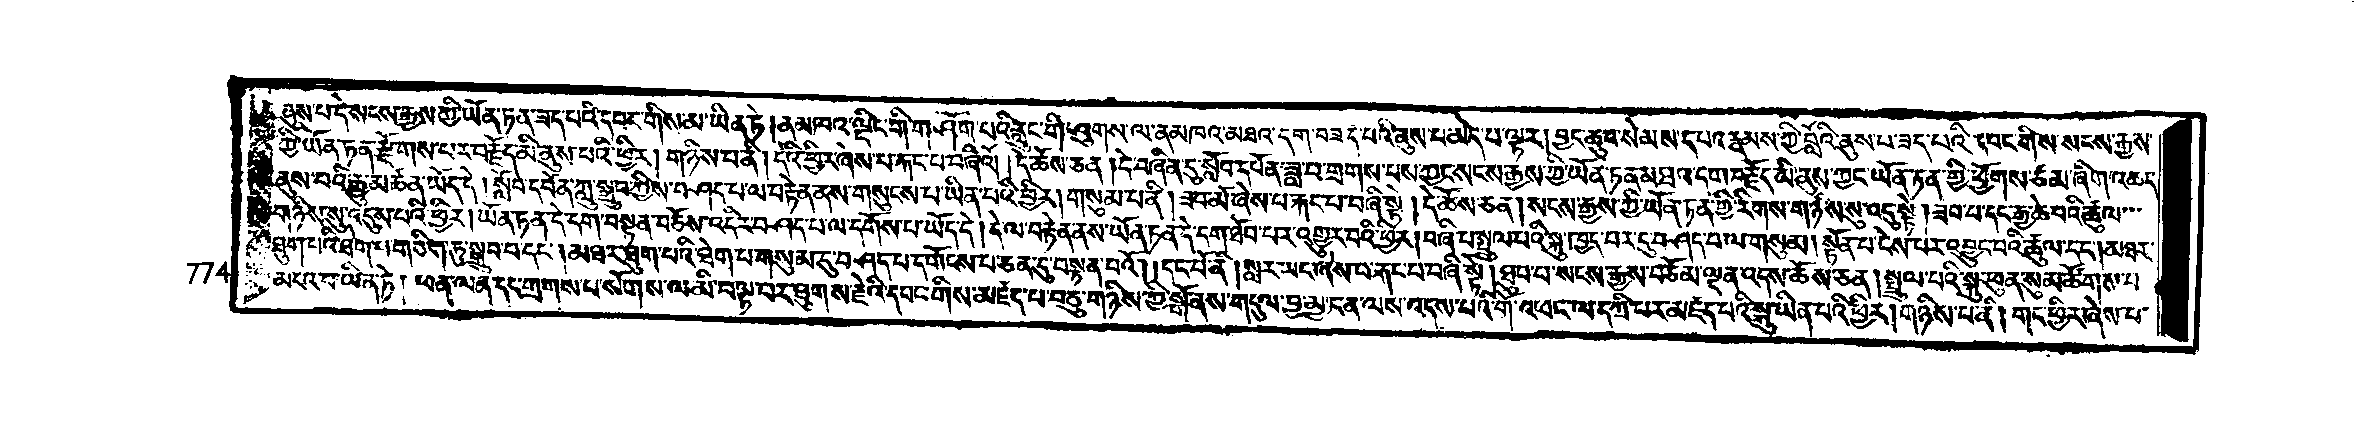ནུས་པ་དེ་སངས་རྒྱས་ཀྱི་ཡོན་ཏན་ཟད་པའི་དབང་གིས་མ་ཡིན་ཏེ། ནམ་མཁའ་ལྡིང་གི་གཤོག་པའི་རླུང་གི་ཤུགས་ལ་ནམ་མཁའ་མཐའ་དག་བཟད་པའི་ནུས་པ་མེད་པ་ལྟར། བྱང་ཆུབ་སེམས་དཔའ་རྣམས་ཀྱི་བློའི་ནུས་པ་ཟད་པའི་དབང་གིས་སངས་རྒྱས་
ཀྱི་ཡོན་ཏན་རྫོགས་པར་བརྗོད་མི་ནུས་པའི་ཕྱིར། གཉིས་པ་ནི། དེའི་ཕྱིར་ཞེས་པ་རྐང་པ་བཞིའོ། །དེ་ཆོས་ཅན། དེ་བཞིན་དུ་སློབ་དཔོན་ཟླ་བ་གྲགས་པས་ཀྱང་སངས་རྒྱས་ཀྱི་ཡོན་ཏན་མཐའ་དག་བརྗོད་མི་ནུས་ཀྱང་ཡོན་ཏན་གྱི་ཕྱོགས་ཙམ་ཞིག་འཆད་
ནུས་པའི་རྒྱུ་མཚན་ཡོད་དེ། སློབ་དཔོན་ཀླུ་སྒྲུབ་ཀྱིས་བཤད་པ་ལ་བརྟེན་ནས་གསུངས་པ་ཡིན་པའི་ཕྱིར། གསུམ་པ་ནི། ཟབ་མོ་ཞེས་པ་རྐང་པ་བཞི་སྟེ། དེ་ཆོས་ཅན། སངས་རྒྱས་ཀྱི་ཡོན་ཏན་གྱི་རིགས་གཉིས་སུ་འདུ་སྟེ། ཟབ་པ་དང་རྒྱ་ཆེ་བའི་ཚུལ་
གཉིས་སུ་འདུས་པའི་ཕྱིར། ཡོན་ཏན་དེ་དག་བསྟན་བཅོས་འདིར་བཤད་པ་ལ་དགོས་པ་ཡོད་དེ། དེ་ལ་བརྟེན་ནས་ཡོན་ཏན་དེ་དག་ཐོབ་པར་འགྱུར་བའི་ཕྱིར། བཞི་པ་སྤྲུལ་པའི་སྐུ་ཁྱད་པར་དུ་བཤད་པ་ལ་གསུམ། སྟོན་པ་ངེས་པར་འབྱུང་བའི་ཚུལ་དང་། མཐར་
ཐུག་པའི་ཐེག་པ་གཅིག་ཏུ་སྒྲུབ་པ་དང་། མཐར་ཐུག་པའི་ཐེག་པ་གསུམ་དུ་བཤད་པ་དགོངས་པ་ཅན་དུ་བསྟན་པའོ། །དང་པོ་ནི། སླར་ཡང་ཞེས་པ་རྐང་པ་བཞི་སྟེ། ཐུབ་པ་སངས་རྒྱས་བཅོམ་ལྡན་འདས་ཆོས་ཅན། སྤྲུལ་པའི་སྐུ་ཕུན་སུམ་ཚོགས་པ་
མངའ་བ་ཡིན་ཏེ། ཕན་ལན་དང་གྲགས་པ་སོགས་ལ་མི་བལྟ་བར་ཐུགས་རྗེའི་དབང་གིས་མཛད་པ་བཅུ་གཉིས་ཀྱི་སྒོ་ནས་གདུལ་བྱ་མྱ་ངན་ལས་འདས་པའི་གོ་འཕང་ལ་དཀྲི་པར་མཛད་པའི་སྐུ་ཡིན་པའི་ཕྱིར། གཉིས་པ་ནི། གང་ཕྱིར་ཞེས་པ་